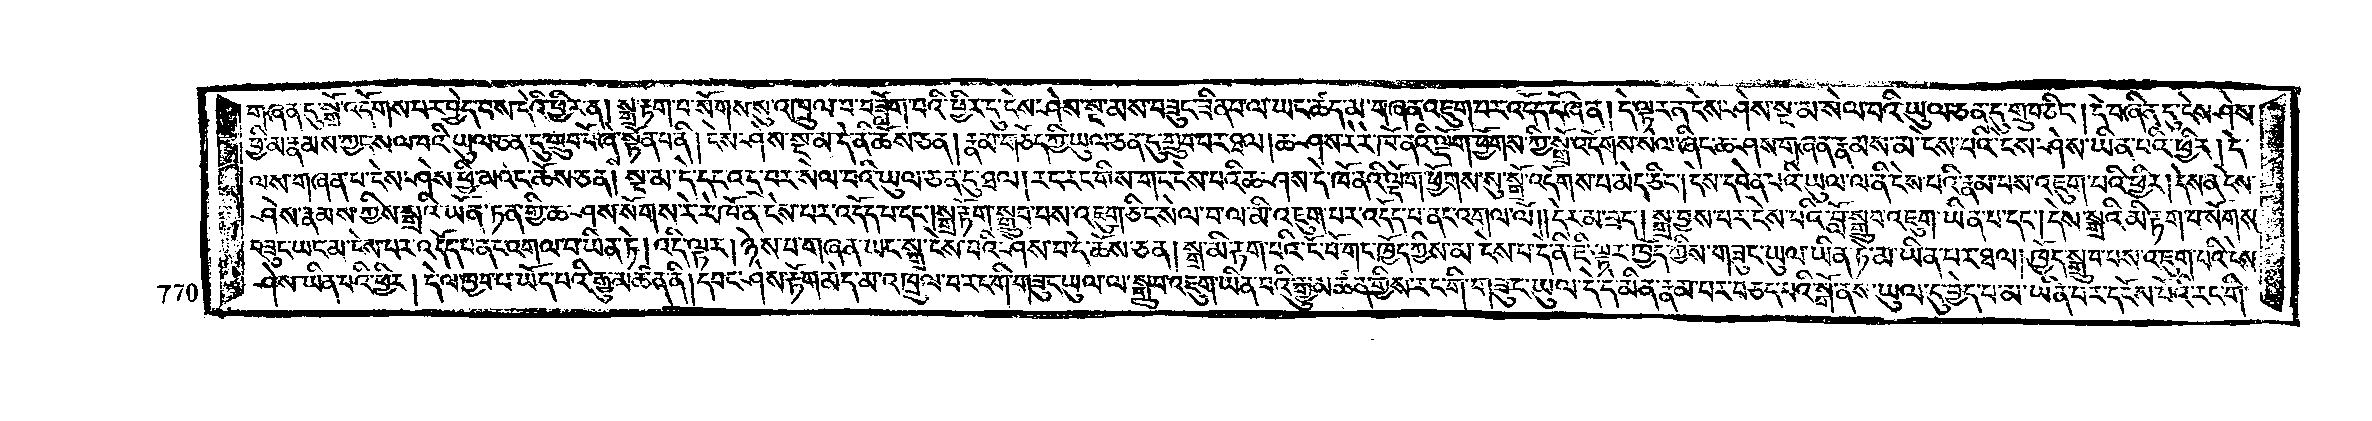གཞན་དུ་སྒྲོ་འདོགས་པར་བྱེད་པས་དེའི་ཕྱིར་ན། སྒྲ་རྟག་པ་སོགས་སུ་འཁྲུལ་པ་བཟློག་པའི་ཕྱིར་དུ་ངེས་ཤེས་སྔ་མས་བཟུང་ཟིན་པ་ལ་ཡང་ཚད་མ་གཞན་འཇུག་པར་འདོད་དོ་ཞེ་ན། དེ་ལྟར་ན་ངེས་ཤེས་སྔ་མ་སེལ་བའི་ཡུལ་ཅན་དུ་གྲུབ་ཅིང་། དེ་བཞིན་དུ་ངེས་ཤེས་
ཕྱི་མ་རྣམས་ཀྱང་སེལ་བའི་ཡུལ་ཅན་དུ་གྲུབ་པོ་ཞེས་སྟོན་པ་ཕྱི་མ་རྣམས་ཀྱང་སེལ་བའི་ཡུལ་ཅན་དུ་གྲུབ་པོ་ཞེས་སྟོན་པ་གྲུབ་པར་ཐལ། ཆ་ཤས་རེ་རེ་ཁོ་ནའི་ལྡོག་ཕྱོགས་ཀྱི་སྒྲོ་འདོགས་སེལ་ཞིང་ཆ་ཤས་གཞན་རྣམས་མ་ངེས་པའི་ངེས་ཤེས་ཡིན་པའི་ཕྱིར། དེ་
ལས་གཞན་པ་ངེས་ཤེས་ཕྱི་མའང་ཆོས་ཅན། སྔ་མ་དེ་དང་འདྲ་བར་སེལ་བའི་ཡུལ་ཅན་དུ་ཐལ། རང་རང་གིས་གང་ངེས་པའི་ཆ་ཤས་དེ་ཁོ་ནའི་ལྡོག་ཕྱོགས་སུ་སྒྲོ་འདོགས་པ་མེད་ཅིང་། དེས་དབེན་པའི་ཡུལ་ལ་ནི་ངེས་པའི་རྣམ་པས་འཇུག་པའི་ཕྱིར། དེས་ན་ངེས་
ཤེས་རྣམས་ཀྱིས་སྒྲའི་ཡོན་ཏན་གྱི་ཆ་ཤས་སོགས་རེ་རེ་ཁོ་ན་ངེས་པར་འདོད་པ་དང་། སྒྲ་རྟོག་སྒྲུབ་པས་འཇུག་ཅིང་སེལ་བ་ལ་མི་འཇུག་པར་འདོད་པ་ནང་འགལ་ལོ། །དེར་མ་ཟད། སྒྲ་བྱས་པར་ངེས་པའི་བློ་སྒྲུབ་འཇུག་ཡིན་པ་དང་། དེས་སྒྲའི་མི་རྟག་པ་སོགས་
བཟུང་ཡང་མ་ངེས་པར་འདོད་པ་ནང་འགལ་བ་ཡིན་ཏེ། འདི་ལྟར། ཉེས་པ་གཞན་ཡང་སྒྲ་ངེས་པའི་ཤེས་པ་དེ་ཆོས་ཅན། སྒྲ་མི་རྟག་པའི་ངོ་བོ་གང་ཁྱོད་ཀྱིས་མ་ངེས་པ་དེ་ནི་ཇི་ལྟར་ཁྱོད་ཀྱིས་གཟུང་ཡུལ་ཡིན་ཏེ་མ་ཡིན་པར་ཐལ། ཁྱོད་སྒྲུབ་པས་འཇུག་པའི་ངེས་
ཤེས་ཡིན་པའི་ཕྱིར། དེ་ལ་ཁྱབ་པ་ཡོད་པའི་རྒྱུ་མཚན་ནི། དབང་ཤེས་རྟོག་མེད་མ་འཁྲུལ་བ་རང་གི་གཟུང་ཡུལ་ལ་སྒྲུབ་འཇུག་ཡིན་པའི་རྒྱུ་མཚན་གྱིས་རང་གི་གཟུང་ཡུལ་དེ་དེ་མིན་རྣམ་པར་བཅད་པའི་སྒོ་ནས་ཡུལ་དུ་བྱེད་པ་མ་ཡིན་པར་དངོས་པོའི་རང་གི་